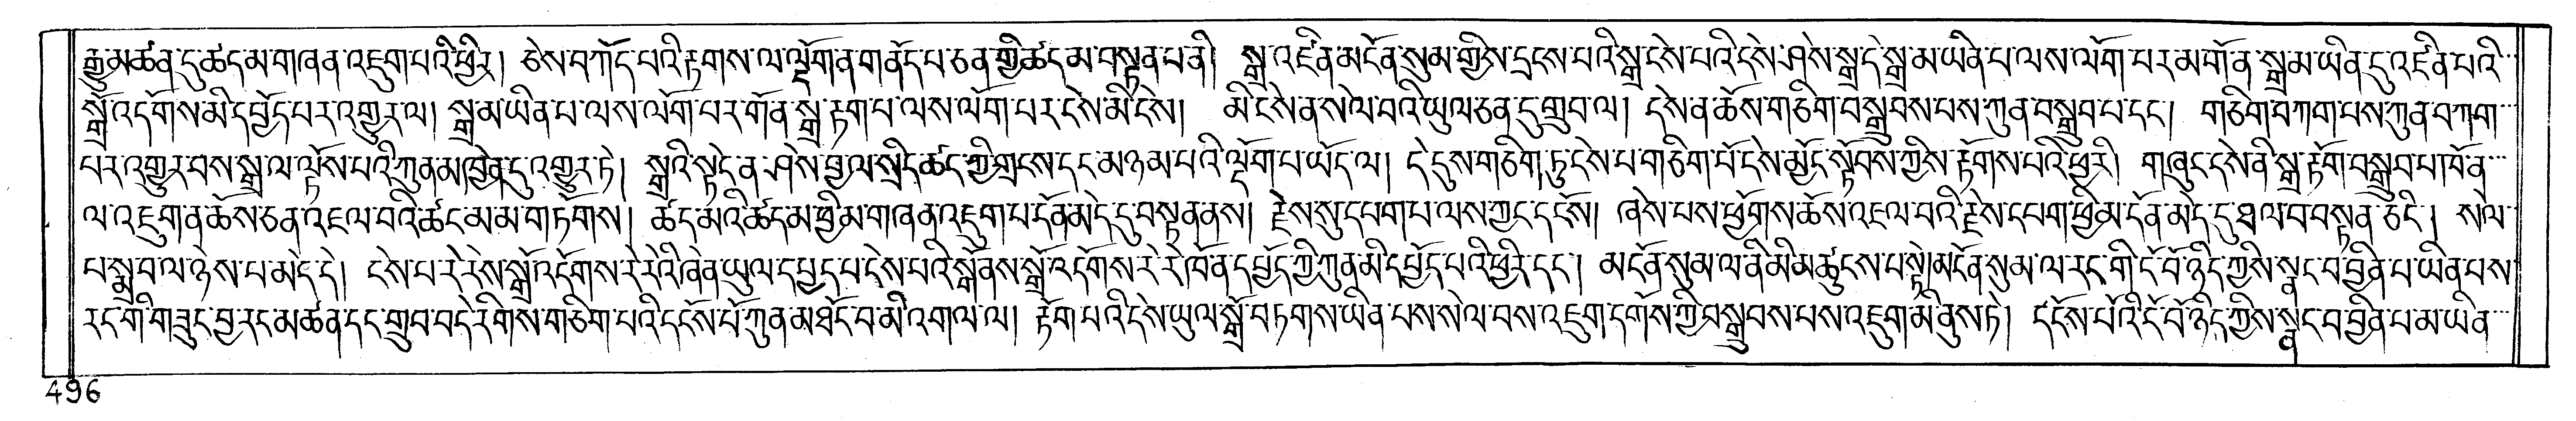རྒྱུ་མཚན་དུ་ཚད་མ་གཞན་འཇུག་པའི་ཕྱིར། ཅེས་བཀོད་པའི་རྟགས་ལ་ལྡོག་ན་གནོད་པ་ཅན་གྱི་ཚད་མ་བསྟན་པ་ནི། སྒྲ་འཛིན་མངོན་སུམ་གྱིས་དྲངས་པའི་སྒྲ་ངེས་པའི་ངེས་ཤེས་སྒྲ་དེ་སྒྲ་མ་ཡིན་པ་ལས་ལོག་པར་མ་གོ་ན་སྒྲ་མ་ཡིན་དུ་འཛིན་པའི་
སྒྲོ་འདོགས་མི་དཔྱོད་བར་འགྱུར་ལ། སྒྲ་མ་ཡིན་པ་ལས་ལོག་པར་གོ་ན་སྒྲ་རྟག་པ་ལས་ལོག་པར་ངེས་མི་ངེས། མི་ངེས་ན་སེལ་བའི་ཡུལ་ཅན་དུ་གྲུབ་ལ། ངེས་ན་ཆོས་གཅིག་བསྒྲུབས་པས་ཀུན་བསྒྲུབ་པ་དང་། གཅིག་བཀག་བས་ཀུན་བཀག་
པར་འགྱུར་བས་སྒྲ་ལ་ལྟོས་པའི་ཀུན་མཁྱེན་དུ་འགྱུར་ཏེ། སྒྲའི་སྟེང་ན་ཤེས་བྱ་ལ་སྲིད་ཚད་ཀྱི་གྲངས་དང་མཉམ་པའི་ལྡོག་པ་ཡོད་ལ། དེ་དུས་གཅིག་ཏུ་ངེས་པ་གཅིག་པོ་ངེས་མྱོང་སྟོབས་ཀྱིས་རྟོགས་པའི་ཕྱིར། གཞུང་དེས་ནི་སྒྲ་རྟོག་བསྒྲུབ་པ་ཁོ་ན་
ལ་འཇུག་ན་ཆོས་ཅན་འཇལ་བའི་ཚད་མ་མ་གཏོགས། ཚད་མའི་ཚད་མ་ཕྱི་མ་གཞན་འཇུག་བ་དོན་མེད་དུ་བསྟན་ནས། རྗེས་སུ་དཔག་པ་ལས་ཀྱང་དངོས། ཞེས་པས་ཕྱོགས་ཆོས་འཇལ་བའི་རྗེས་དཔག་ཕྱི་མ་ངོན་མེད་དུ་ཐལ་བ་བསྟན་ཅིང་། སེལ་
པ་སྨྲ་བ་ལ་ཉེས་པ་མེད་དེ། ངེས་པ་རེ་རེས་སྒྲོ་འདོགས་རེ་རེའི་ཞེན་ཡུལ་དཔྱད་པ་ངེས་པའི་སྒོ་ནས་སྒྲོ་འདོགས་རེ་རེ་ཁོ་ན་དཔྱོད་ཀྱི་ཀུན་མི་དཔྱོད་པའི་ཕྱིར་དང་། མངོན་སུམ་ལ་ནི་མི་མཚུངས་པ་སྟེ། མངོན་སུམ་ལ་རང་གི་ངོ་བོ་ཉིད་ཀྱིས་སྣང་བ་བྱིན་པ་ཡིན་པས་
རང་གི་གཟུང་བྱ་རང་མཚན་དང་གྲུབ་བདེ་རིགས་གཅིག་པའི་དངོས་པོ་ཀུན་མཐོང་བ་མི་འགལ་ལ། རྟོག་པའི་དེས་ཡུལ་སྒྲོ་བཏགས་ཡིན་པས་སེལ་བས་འཇུག་དོགས་ཀྱི་བསྒྲུབས་པས་འཇུག་མི་ནུས་ཏེ། དངོས་པོའི་ངོ་བོ་ཉིད་ཀྱིས་སྣང་བ་བྱིན་པ་མ་ཡིན་